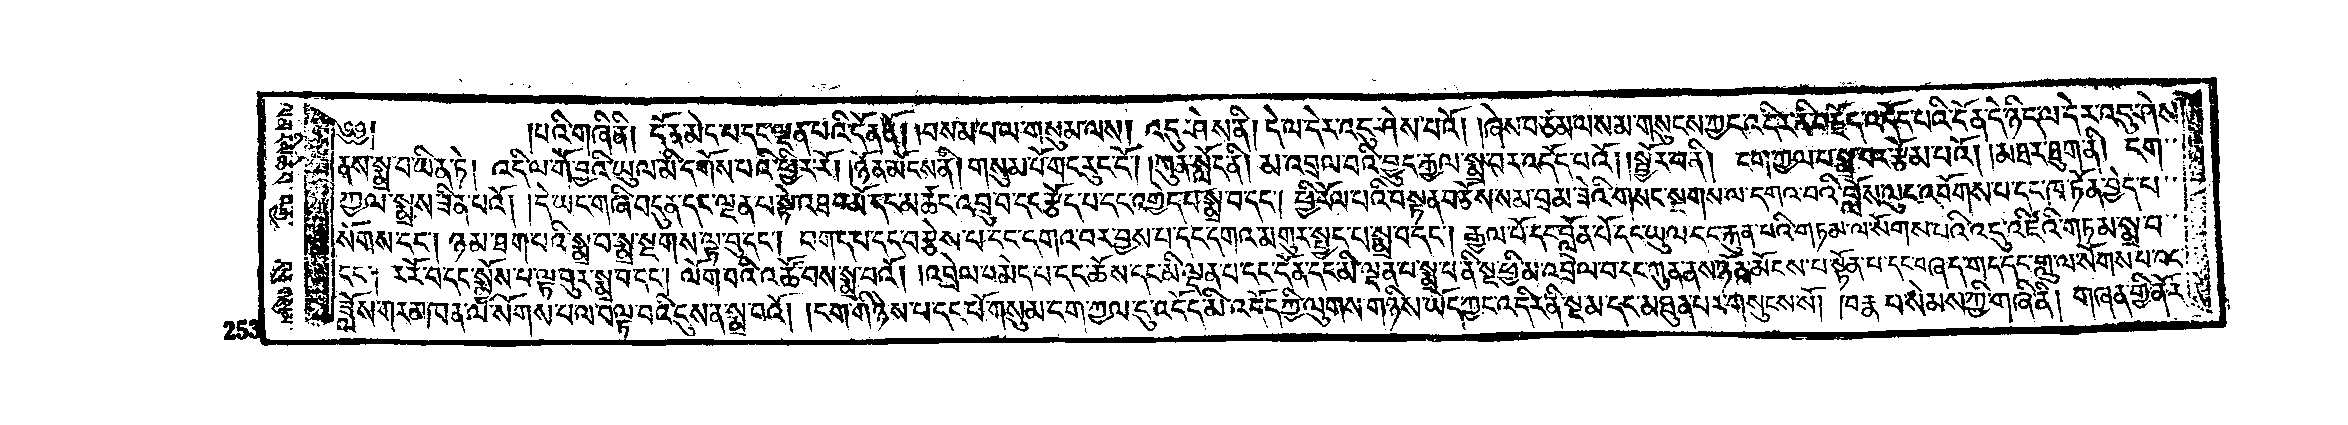༄༅། །པའི་གཞི་ནི། དོན་མེད་པ་དང་ལྡན་པའི་དོན་ནོ། །བསམ་པ་ལ་གསུམ་ལས། འདུ་ཤེས་ནི། དེ་ལ་དེར་འདུ་ཤེས་པའོ། །ཞེས་པ་ཙམ་ལས་མ་གསུངས་ཀྱང་འདིར་ནི་བརྗོད་འདོད་པའི་དོན་དེ་ཉིད་ལ་དེར་འདུ་ཤེས་
ནས་སྨྲ་བ་ཡིན་ཏེ། འདི་ལ་གོ་བྱའི་ཡུལ་མི་དགོས་པའི་ཕྱིར་རོ། །ཉོན་མོངས་ནི། གསུམ་པོ་གང་རུང་ངོ། །ཀུན་སློང་ནི། མ་འབྲེལ་བའི་བྱུང་རྒྱལ་སྨྲ་བར་འདོད་པའོ། །སྦྱོར་བ་ནི། ངག་ཀྱལ་བ་སྨྲ་བར་རྩོམ་པའོ། །མཐར་ཐུག་ནི། ངག་
ཀྱལ་སྨྲས་ཟིན་པའོ། །དེ་ཡང་གཞི་བདུན་དང་ལྡན་པ་སྟེ་འཐབ་མོ་དང་མཚང་འབྲུ་བ་དང་རྩོད་པ་དང་འགྱེད་པ་སྨྲ་བ་དང་། ཕྱི་རོལ་པའི་བསྟན་བཅོས་སམ་བྲམ་ཟེའི་གསང་སྔགས་ལ་དགའ་བའི་བློས་ལུང་འབོགས་པ་དང་ཁ་ཏོན་བྱེད་པ་
སོགས་དང་། ཉམ་ཐག་པའི་སྨྲ་བ་སྨྲེ་སྔགས་ལྟ་བུ་དང་། བགད་པ་དང་བརྩེས་པ་དང་དགའ་བར་བྱས་པ་དང་དགའ་མགུར་སྤྱད་པ་སྨྲ་བ་དང་། རྒྱལ་པོ་དང་བློན་པོ་དང་ཡུལ་དང་རྐུན་པོའི་གཏམ་ལ་སོགས་པའི་འདུ་འཛིའི་གཏམ་སྨྲ་བ་
དང༑ ར་རོ་བ་དང་སྨྱོས་པ་ལྟ་བུར་སྨྲ་བ་དང་། ལོག་པའི་འཚོ་བས་སྨྲ་བའོ། །འབྲེལ་བ་མེད་པ་དང་ཆོས་དང་མི་ལྡན་པ་དང་དོན་དང་མི་ལྡན་པ་སྨྲ་བ་ནི་སྔ་ཕྱི་མ་འབྲེལ་བ་དང་ཀུན་ནས་ཉོན་མོངས་པ་སྟོན་པ་དང་བཞད་གད་དང་གླུ་ལ་སོགས་པ་དང་
ཟློས་གར་མཁན་ལ་སོགས་པ་ལ་བལྟ་བའི་དུས་ན་སྨྲ་བའོ། །ངག་གི་ཉེས་པ་དང་པོ་གསུམ་ངག་ཀྱལ་དུ་འདོད་མི་འདོད་ཀྱི་ལུགས་གཉིས་ཡོད་ཀྱང་འདིར་ནི་སྔ་མ་དང་མཐུན་པར་གསུངས་སོ། །བ་རྣབ་སེམས་ཀྱི་གཞི་ནི། གཞན་གྱི་ནོར་